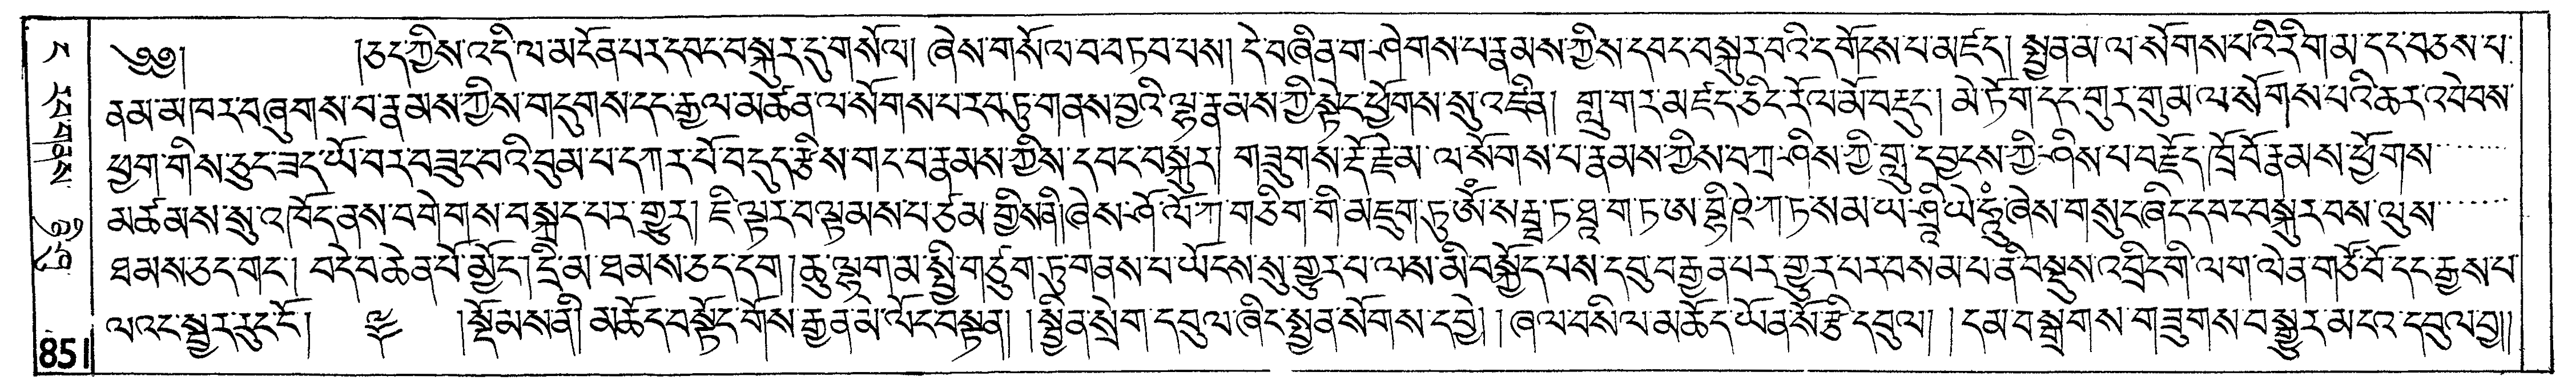༄༅། །ཅད་ཀྱིས་འདི་ལ་མངོན་པར་དབང་བསྐུར་དུ་གསོལ། ཞེས་གསོལ་བ་བཏབ་པས། དེ་བཞིན་གཤེགས་པ་རྣམས་ཀྱིས་དབང་བསྐུར་བའི་དགོངས་པ་མཛད། སྤྱན་མ་ལ་སོགས་པའི་རིག་མ་དང་བཅས་པ་
ནམ་མཁར་བཞུགས་པ་རྣམས་ཀྱིས་གདུགས་དང་རྒྱལ་མཚན་ལ་སོགས་པ་རབ་ཏུ་གནས་བྱའི་ལྷ་རྣམས་ཀྱི་སྟེང་ཕྱོགས་སུ་འཛིན། གླུ་གར་མཛད་ཅིང་རོལ་མོ་བརྡུང་། མེ་ཏོག་དང་གུར་གུམ་ལ་སོགས་པའི་ཆར་འབེབས་
ཕྱག་གིས་ཅུང་ཟད་ཡོ་བར་བཟུང་བའི་བུམ་པ་དཀར་པོ་བདུད་རྩིས་གང་བ་རྣམས་ཀྱིས་དབང་བསྐུར། གཟུགས་རྡོ་རྗེ་མ་ལ་སོགས་པ་རྣམས་ཀྱིས་བཀྲ་ཤིས་ཀྱི་གླུ་དབྱངས་ཀྱི་ཤིས་པ་བརྗོད་ཁྲོ་བོ་རྣམས་ཕྱོགས་
མཚམས་སུ་འཁོད་ནས་བགེགས་བསྐྲད་པར་གྱུར། ཇི་ལྟར་བལྟམས་པ་ཙམ་གྱིས་ནི། ཞེས་ཤོ་ལོ་ཀ་གཅིག་གི་མཇུག་ཏུ་ཨོཾ་སརྦྦ་ཏ་ཐཱ་ག་ཏ་ཨ་བྷི་ཥེ་ཀ་ཏ་སམ་ཡ་ཤྲཱི་ཡེ་ཧཱུཾ་ཞེས་གསུང་ཞིང་དབང་བསྐུར་བས་ལུས་
ཐམས་ཅད་གང་། བདེ་བ་ཆེན་པོ་མྱོང་། དྲི་མ་ཐམས་ཅད་དག །ཆུ་ལྷག་མ་སྤྱི་གཙུག་ཏུ་གནས་པ་ཡོངས་སུ་གྱུར་པ་ལས་མི་བསྐྱོད་པས་དབུ་བརྒྱན་པར་གྱུར་པར་བསམ་པ་ནི་བསྡུས་འབྲིང་གི་ལག་ལེན་གཙོ་བོ་དང་རྒྱས་པ་
ལའང་སྦྱར་རུང་ངོ། ༈ །སྡོམས་ནི། མཆོད་བསྟོང་གོས་རྒྱན་མེ་ལོང་བསྟན། །སྦྱིན་སྲེག་དབུལ་ཞིང་སྤྱན་སོགས་དབྱེ། །ཞལ་བསིལ་མཆོད་ཡོན་སོ་རྩི་དབུལ། །དམ་བསྒྲགས་གཟུགས་བསྒྱུར་མངའ་དབུལ་བྱ།།